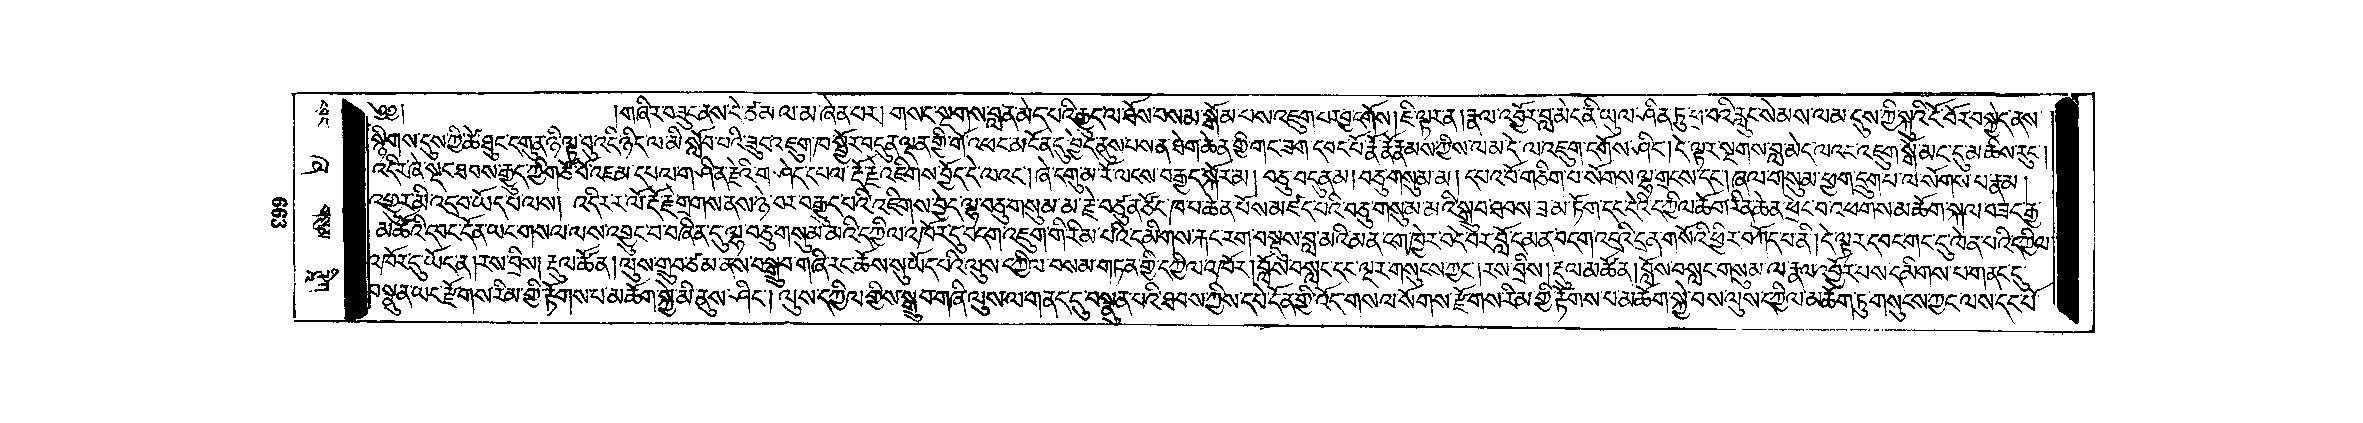༄༅། །གཞིར་བཟུང་ནས་དེ་ཙམ་ལ་མ་ཞེན་པར། གསང་སྔགས་བླ་ན་མེད་པའི་རྒྱུད་ལ་ཐོས་བསམ་སྒོམ་པས་འཇུག་པར་བྱ་དགོས། ཇི་ལྟར་ན། རྣལ་འབྱོར་བླ་མེད་ནི་ཡུལ་ཤིན་ཏུ་ཕྲ་བའི་རླུང་སེམས་ལམ་དུས་ཀྱི་སྐུའི་ངོ་བོར་བསྐྱེད་ནས་
སྙིགས་དུས་ཀྱི་ཚེ་ཐུང་དགུན་ཉི་ལྟ་བུ་འདི་ཉིད་ལ་མི་སློབ་པའི་ཟུང་འཇུག་ཁ་སྦྱོར་བདུན་ལྡན་གྱི་གོ་འཕང་མངོན་དུ་བྱེད་ནུས་པས་ན་ཐེག་ཆེན་གྱི་གང་ཟག་དབང་པོ་རྣོ་རྣོ་རྣམས་ཀྱིས་ལམ་དེ་ལ་འཇུག་དགོས་ཤིང་། དེ་ལྟར་སྔགས་བླ་མེད་ལའང་འཇུག་སྒོ་མང་དུ་མཆིས་རུང་།
འདིར་ཞེ་སྡང་ཐབས་རྒྱུད་ཀྱི་གཙོ་བོ་འཇམ་དཔལ་གཤིན་རྗེའི་གཤེད་དཔལ་རྡོ་རྗེའི་འཇིགས་བྱོད་དེ་ལའང་། ཞེ་དགུ་མ་རོ་ལངས་བརྒྱད་སྐོར་མ། བཅུ་བདུན་མ། བཅུ་གསུམ་མ། དཔའ་བོ་གཅིག་པ་སོགས་ལྷ་གྲངས་དང་། ཞལ་གསུམ་ཕྱག་དྲུག་པ་ལ་སོགས་པ་རྣམ།
འགྱུར་མི་འདྲ་བ་ཡོད་པ་ལས། འདིར་ར་ལོ་རྡོ་རྗེ་གྲགས་ནས་ཉེ་བར་བརྒྱུད་པའི་འཇིགས་བྱེད་ལྷ་བཅུ་གསུམ་མ་རྗེ་བཙུན་ཙོང་ཁ་པ་ཆེན་པོས་མཛད་པའི་བཅུ་གསུམ་མའི་སྒྲུབ་ཐབས་ཟ་མ་ཏོག་དང་དེའི་དཀྱིལ་ཆོག་རིན་ཆེན་ཕྲེང་བ་འཕགས་མཆོག་སྐལ་བཟང་རྒྱ་
མཚོའི་དབང་དོན་ཡང་གསལ་ལས་འབྱུང་བ་བཞིན་དུ་ལྷ་བཅུ་གསུམ་མའི་དཀྱིལ་འཁོར་དུ་བདག་འཇུག་གི་རིམ་པའི་དམིགས་རྐང་རག་བསྡུས་བླ་མའི་མན་ངག་ཁྱེར་བདེ་བར་བློ་དམན་བདག་འདྲའི་དྲན་གསོའི་ཕྱིར་བཀོད་པ་ནི། དེ་ལྟར་དབང་གང་དུ་ལེན་པའི་དཀྱིལ་
འཁོར་དུ་ཡོད་ན། རས་བྲིས། རྡུལ་ཚོན། ལུས་གྲུབ་ཙམ་ནས་བསྒྲུབ་གཞི་རང་ཆོས་སུ་ཡོད་པའི་ལུས་དཀྱིལ་བསམ་གཏན་གྱི་དཀྱིལ་འཁོར། བློས་བསླང་དང་ལྔར་གསུངས་ཀྱང་། རས་བྲིས། རྡུལ་མཚོན། བློས་བསླང་གསུམ་ལ་རྣལ་འབྱོར་པས་དམིགས་པ་གནང་དུ་
བསྣུན་ཡང་རྫོགས་རིམ་གྱི་རྟོགས་པ་མཆོག་སྐྱེ་མི་ནུས་ཤིང་། ལུས་དཀྱིལ་གྱིས་སྒྲུབ་གཞི་ལུས་ལ་གནད་དུ་བསྣུན་པའི་ཐབས་ཀྱིས་དཔེ་དོན་གྱི་འོད་གསལ་སོགས་རྫོགས་རིམ་གྱི་རྟོགས་པ་མཆོག་སྐྱེ་བས་ལུས་དཀྱིལ་མཆོག་ཏུ་གསུངས་ཀྱང་ལས་དང་པོ་